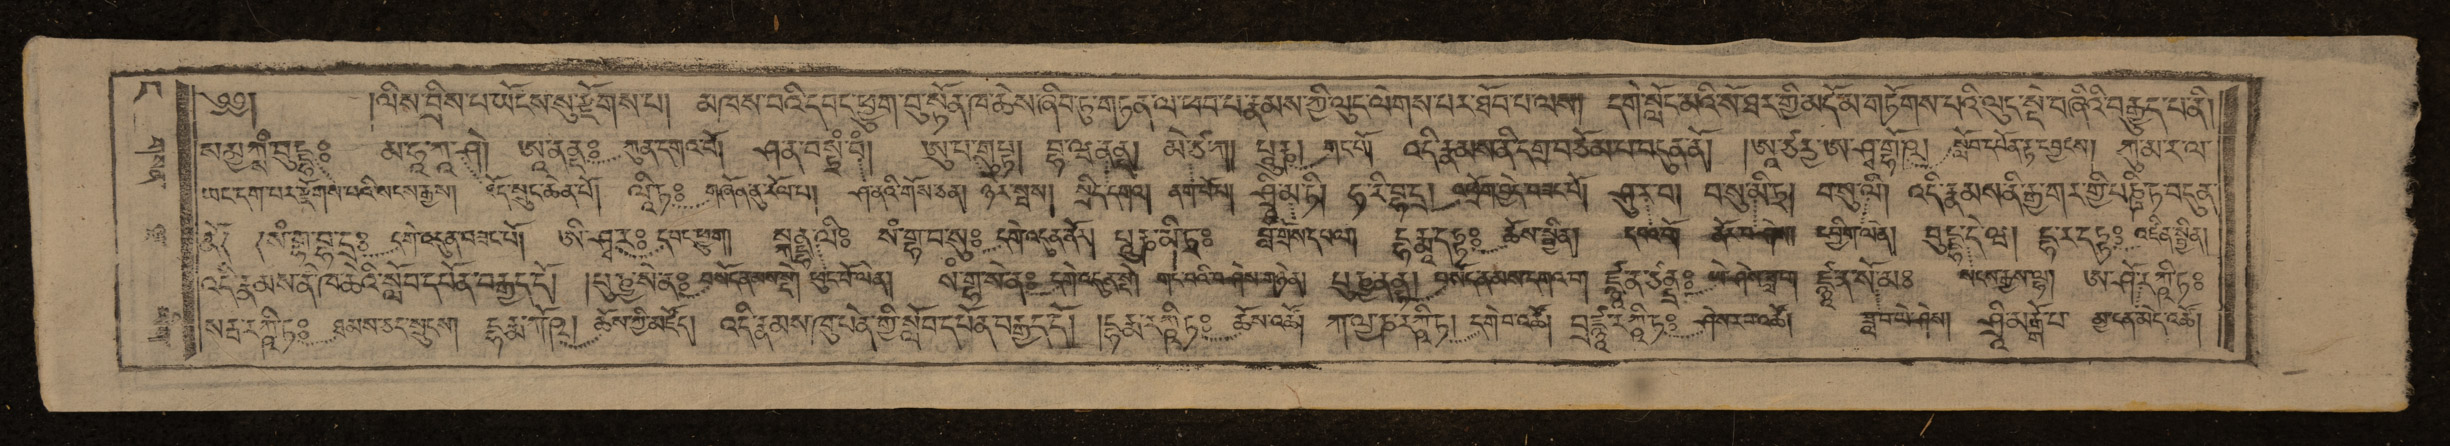༄༅། །ལིས་བྲིས་པ་ཡོངས་སུ་རྫོགས་པ། མཁས་པའི་དབང་ཕྱུག་བུ་སྟོན་ཁ་ཆེས་ཞིབ་ཏུ་གཏན་ལ་ཕབ་པ་རྣམས་ཀྱི་ལུང་ལེགས་པར་ཐོབ་པ་ལས། དགེ་སློང་མའི་སོ་ཐར་གྱི་མདོ་མ་གཏོགས་པའི་ལུང་སྡེ་བཞིའི་བརྒྱུད་པ་ནི།
ས་མྱ་ཀྶཾ་བུ་དྡྷཿ མ་ཧཱ་ཀཱ་ཤེ། ཨའ་ན་ནྡ༑ ཀུན་དགའ་བོ། ཤན་བསྟྲཾ་བཾ། ཨུ་པ་གུ་པྟ། བྷ་ཝ་ན་ནྡ། མེ་ཙ་ཀ། པཱུ་རྞ། གང་པོ། འདི་རྣམས་ནི་དགྲ་བཅོམ་པ་བདུན་ནོ། །ཨཱ་ཙ་རྱ་ཨ་ཤྭ་གྷོ་ཥ། སློབ་དཔོན་རྟ་དབྱངས། ཀུ་མར་ལ་
ཡང་དག་པར་རྫོགས་པའི་སངས་རྒྱས། འོད་སྲུང་ཆེན་པོ། ལཱི་ཏ༑ གཞོན་ནུ་རོལ་པ། ཤ་ནའི་གོས་ཅན། ཉེར་སྦས། སྲིད་དགའ། ནག་པོ་པ། ཤྲཱི་མ་ཏི། ཧ་རི་བྷ་དྲ། འཕྲོག་བྱེད་བཟང་པོ། ཤུར་བ། བ་སུ་མི་ཏྲ། བ་སུ་ལི། འདི་རྣམས་ནི་རྒྱ་གར་གྱི་པཎྜི་ཏ་བདུན་
ནོ༑ ༑སཾ་གྷ་བྷ་དྲཿ དགེ་འདུན་བཟང་པོ། ཨི་ཤྭ་རཿ དབང་ཕྱུག། སྐ་ནྡྷ་ལིཿ སཾ་གྷ་པ་སུཿ དགེ་འདུན་ནོར། པཱུ་རྞ་མི་ཏྲཿ བློ་གྲོས་དཔལ། དྷ་རྨཱ་ད་ཏྟ༑ ཆོས་སྦྱིན། དབའ་བོ། ནོར་བ་ཤེས། དབྱིག་ལེན། བུ་ངྷ་དེ་ཝ། ངྷ་ར་ད་ངྷ༑ འཛིན་སྦྱིན།
འདི་རྣམས་ནི་ཁ་ཆེའི་སློབ་དཔོན་བརྒྱད་དོ། །པུ་ཎྱ་སེ་ན༑ བསོད་ནམས་སྡེ། ཕུང་པོ་ལེན། སཾ་གྷ་སེ་ན༑ དགེ་འདུན་སྡེ། གར་པའི་བ་ཤེས་གཉེན། པུ་ཎྱ་ན་ནྟ། བསོད་ནམས་དགའ་བ། ཛྙཱ་ན་ཙ་ནྡྲ༑ ཡེ་ཤེས་ཟླ་བ། ཛྙཱ་ན་སོ་མ༑ སངས་རྒྱས་ལྷ། ཨ་ཤོར་ཀཥི་ཏཿ
སརྦ་ར་ཀཥི་ཏཿ ཐམས་ཅད་སྲུངས། དྷ་རྨ་ཀོ་ཥ། ཆོས་ཀྱི་མཛོད། འདི་རྣམས་ཁུ་པེན་གྱི་སློབ་དཔོན་བརྒྱད་དོ། །དྷ་རྨ་ར་ཀཥི་ཏཿ ཆོས་འཚོ། ཀ་ལྱ་ཎ་རཀཥི་ཏ། དགེ་བ་འཚོ། བྲ་ཛྙཱ་རི་ཀཥི་ཏ༑ ཤེས་རབ་འཚོ། ཟླ་བ་ཡེ་ཤེས་ཤྲཱི་མ་རྒོ་པ་མྱ་ན་མེད་འཚོ་